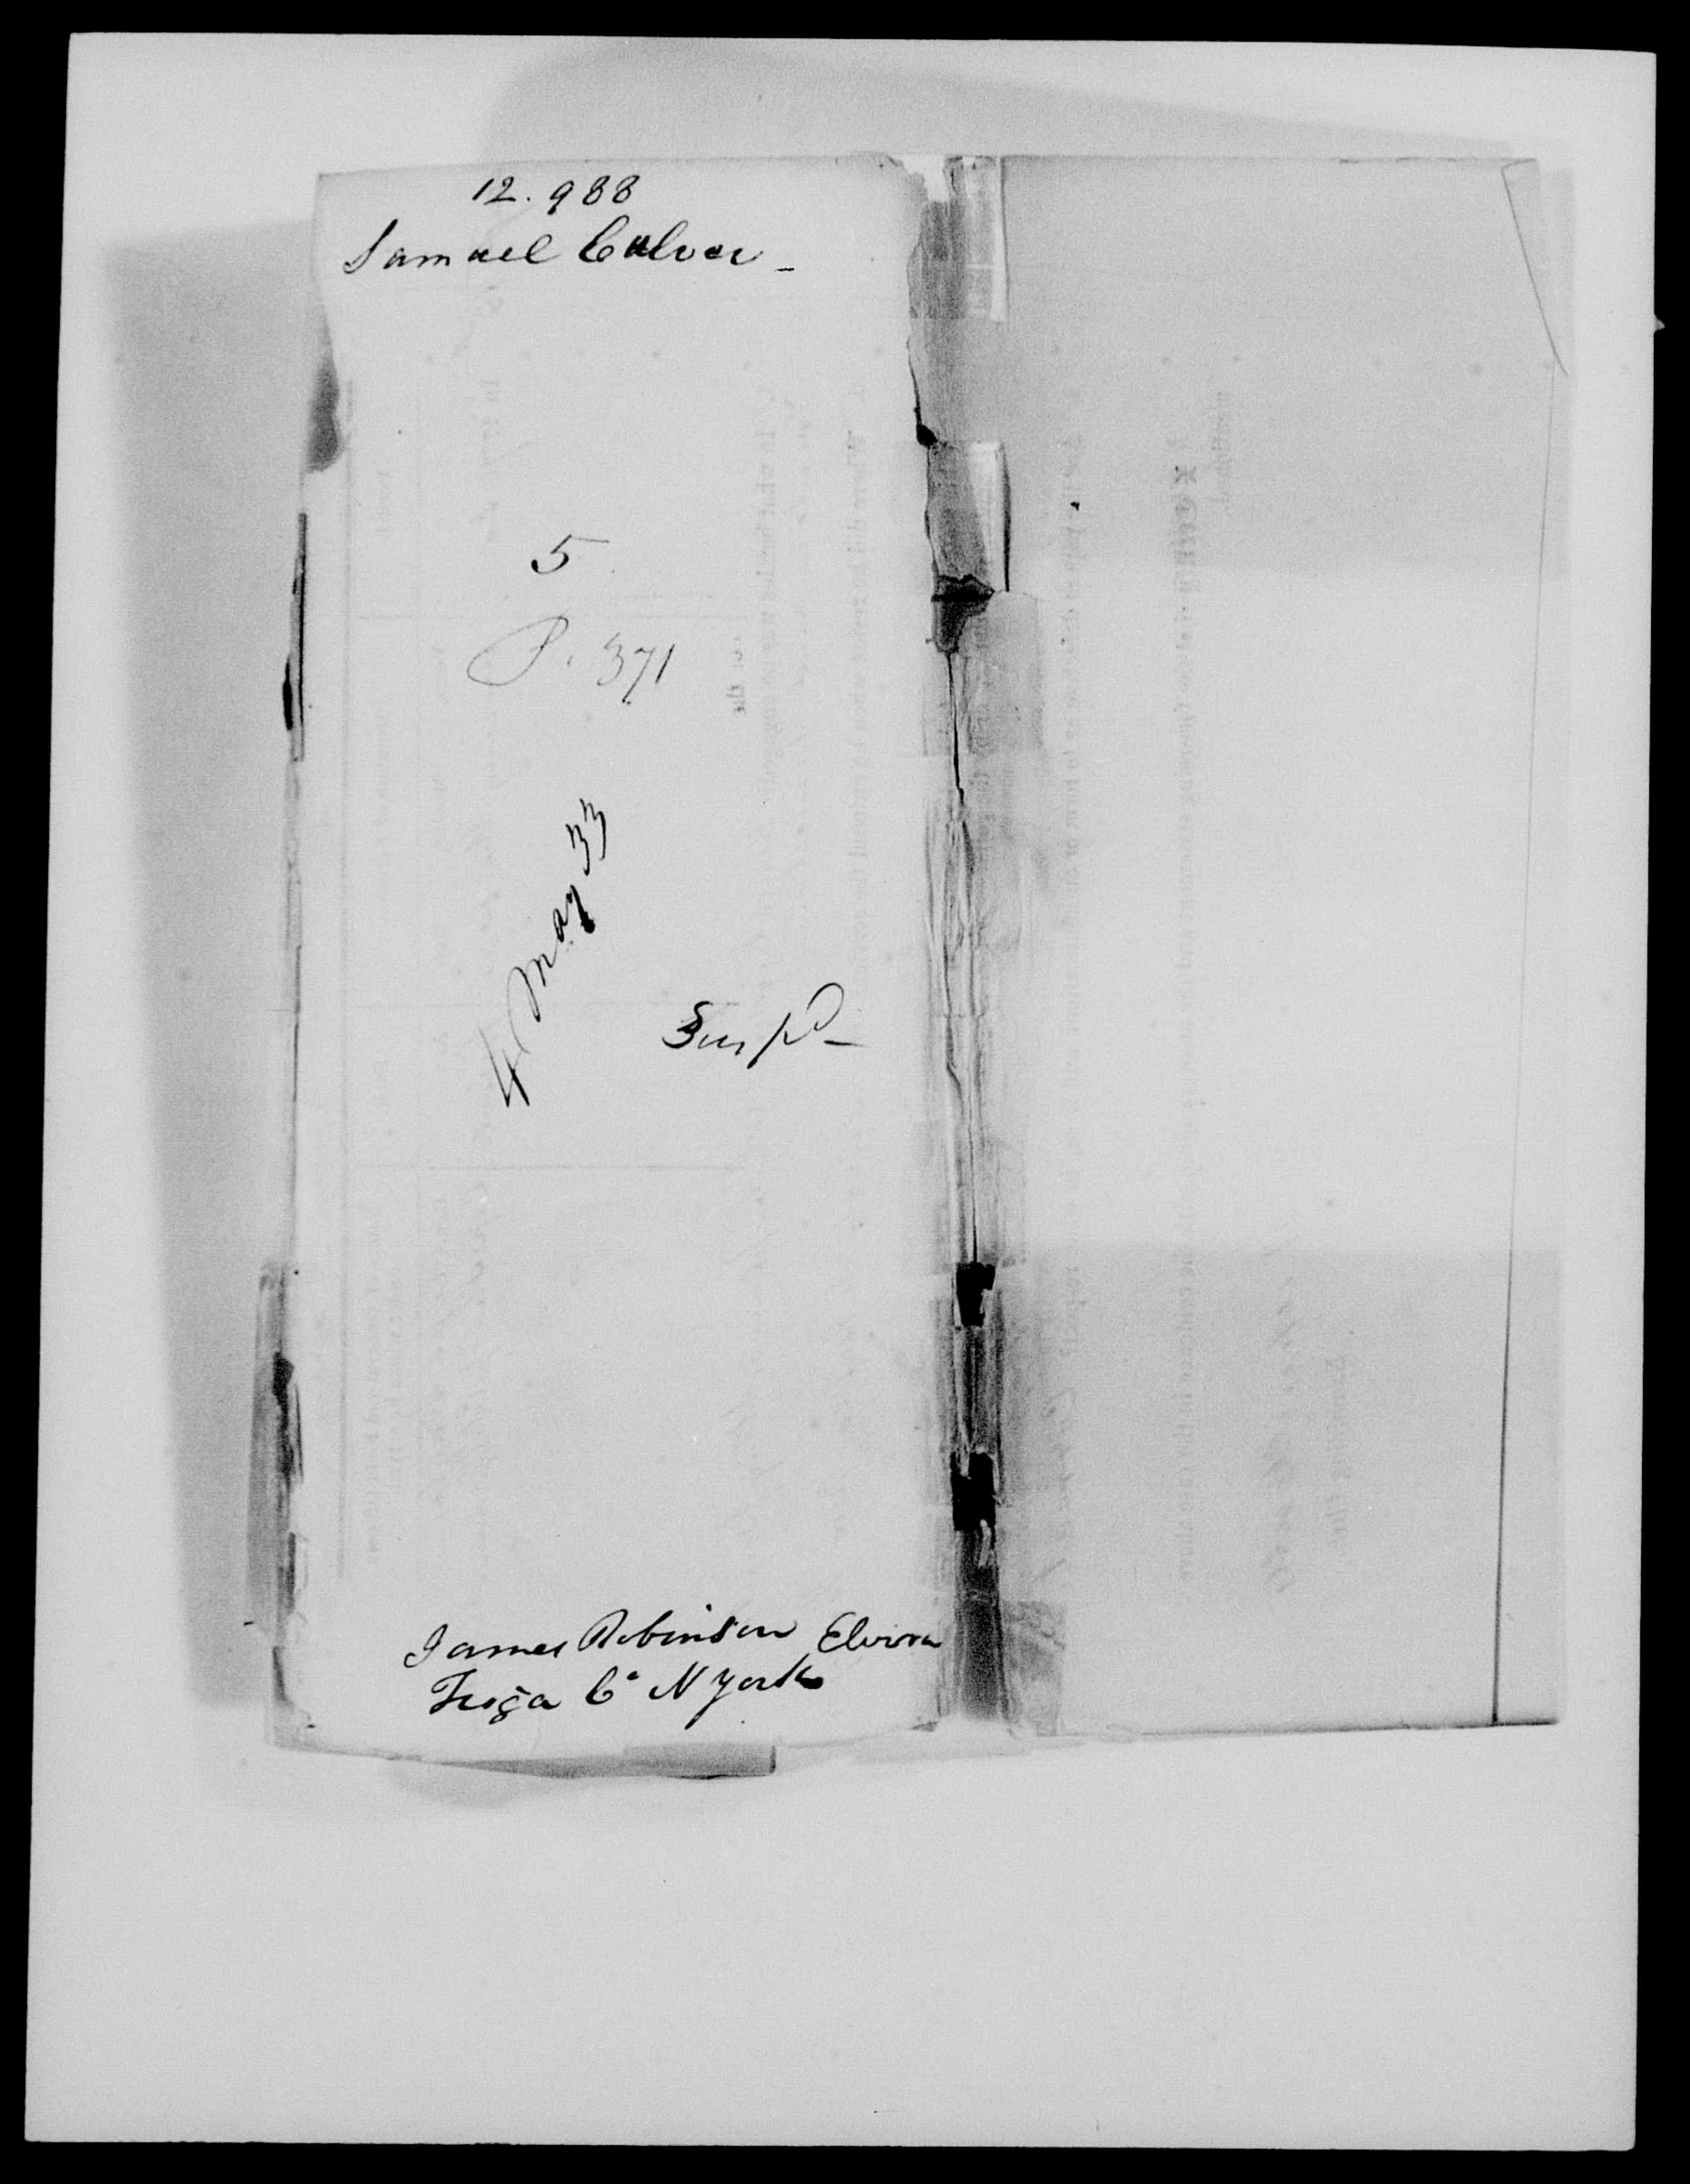12.988
Samuel Culver

5
P.371
4 May 33
[illegible]

James Robinson Elvira
Tioga N York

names: James Robinson, Samuel Culver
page: 2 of 40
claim: rejected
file: R. 1,570, Samuel Culver, New Jersey